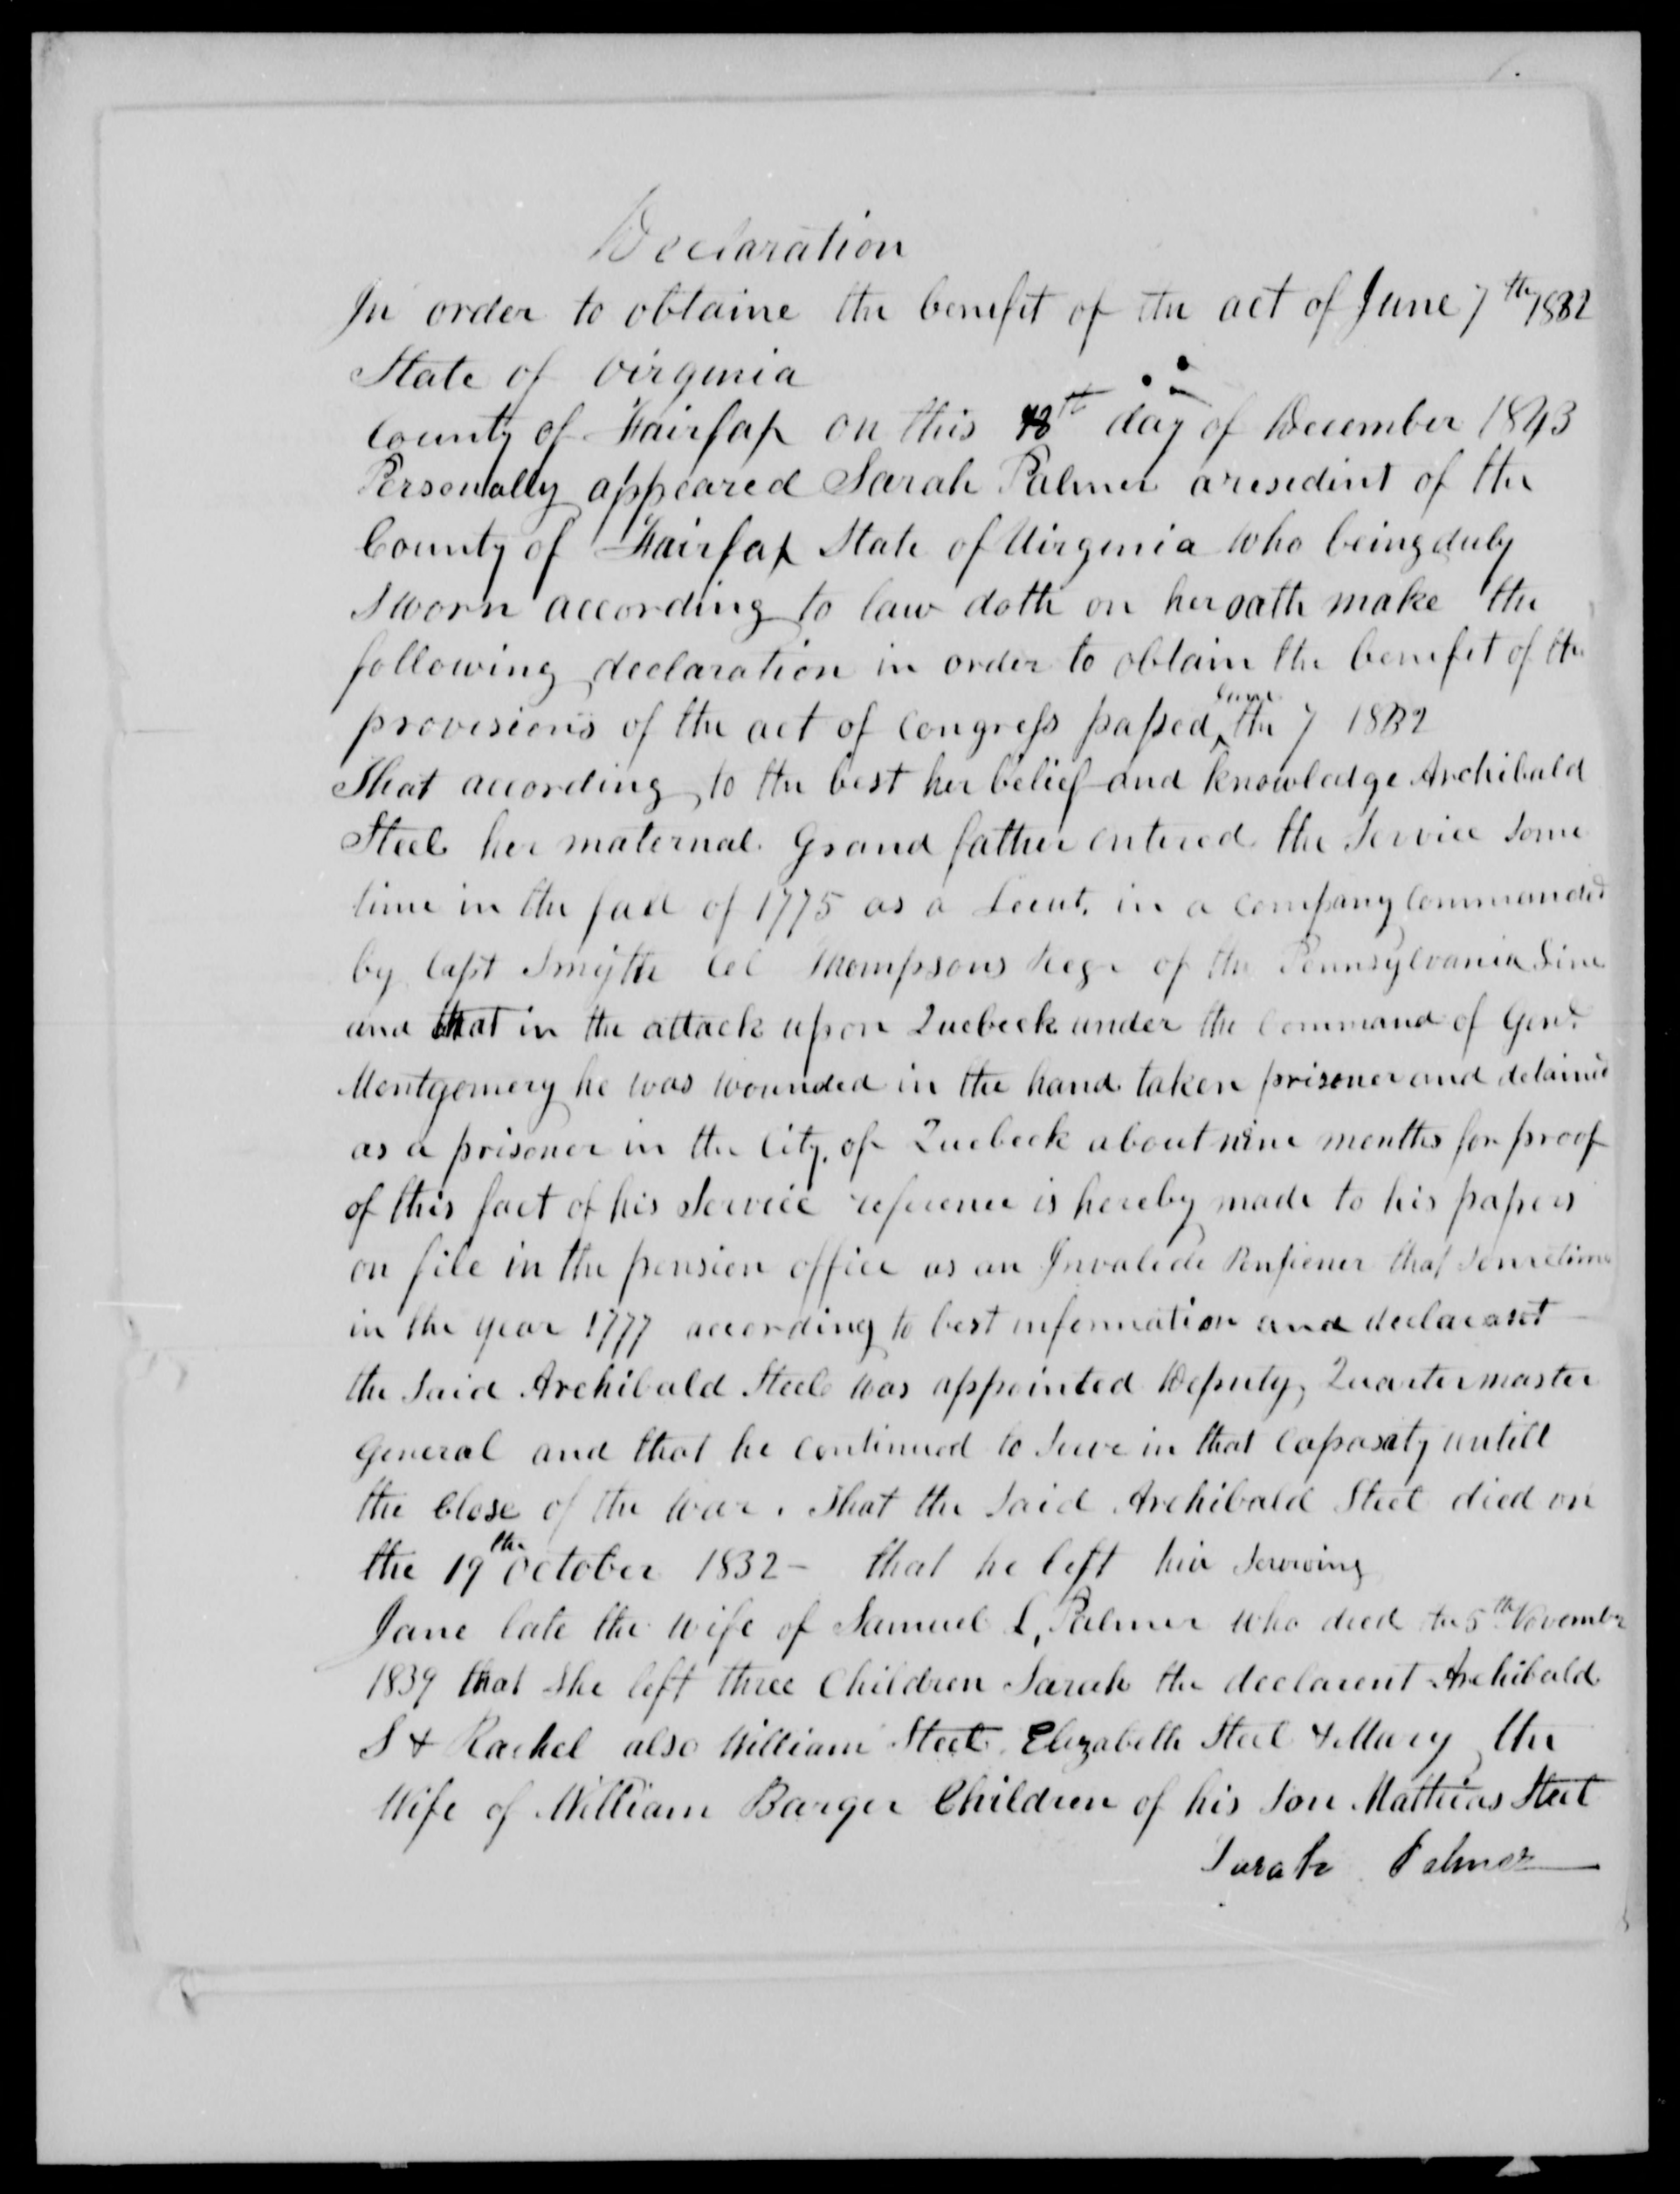Declaration

In order to obtain the benefit of the act of June 7th 1832
State of Virginia
County of Fairfax 

on this 18th day of December 1843 Personally appeared Sarah Palmer a resident of the County of Fairfax State of Virginia who being duly sworn according to law doth on her oath make the following declaration in order to obtain the benefit of the provisions of the act of Congress passed the June 7 1832.

That according to the best her belief and knowledge Archibald Steel her maternal grandfather entered the service some time in the fall of 1775 as a Lieut in a company commanded by Capt Smyth, Col Thompson Reg[iment] of the Pennsylvania Line and that in the attack upon Quebeck under the command of Genl Montgomery, he was wounded in the hand, taken prisoner and detained
as a prisoner in the City of Quebeck about nine months.  for proof of this fact of his service, reference is hereby made to his papers on file in the pension office as an Invalid Pensioner that sometime in the year 1777 according to best information and declarant, the said Archibald Steel was appointed Deputy Quartermaster General and that he continued to serve in that capacity untill
the close of the war. That the said Archibald Steel died on the 19th October 1832 - that he left him surviving Jane, late the wife of Samuel L. Palmer, who died to 5th November 1839 that she left three children, Sarah the declarant Archibald S & Rachel, also William Steel, Elizabeth Steel & Mary the
Wife of William Barger, Children of his son Mathias Steel

Surate Palmer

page: 4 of 28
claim: survivor's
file: S. 7601, for Archibald Steel, Pennsylvania